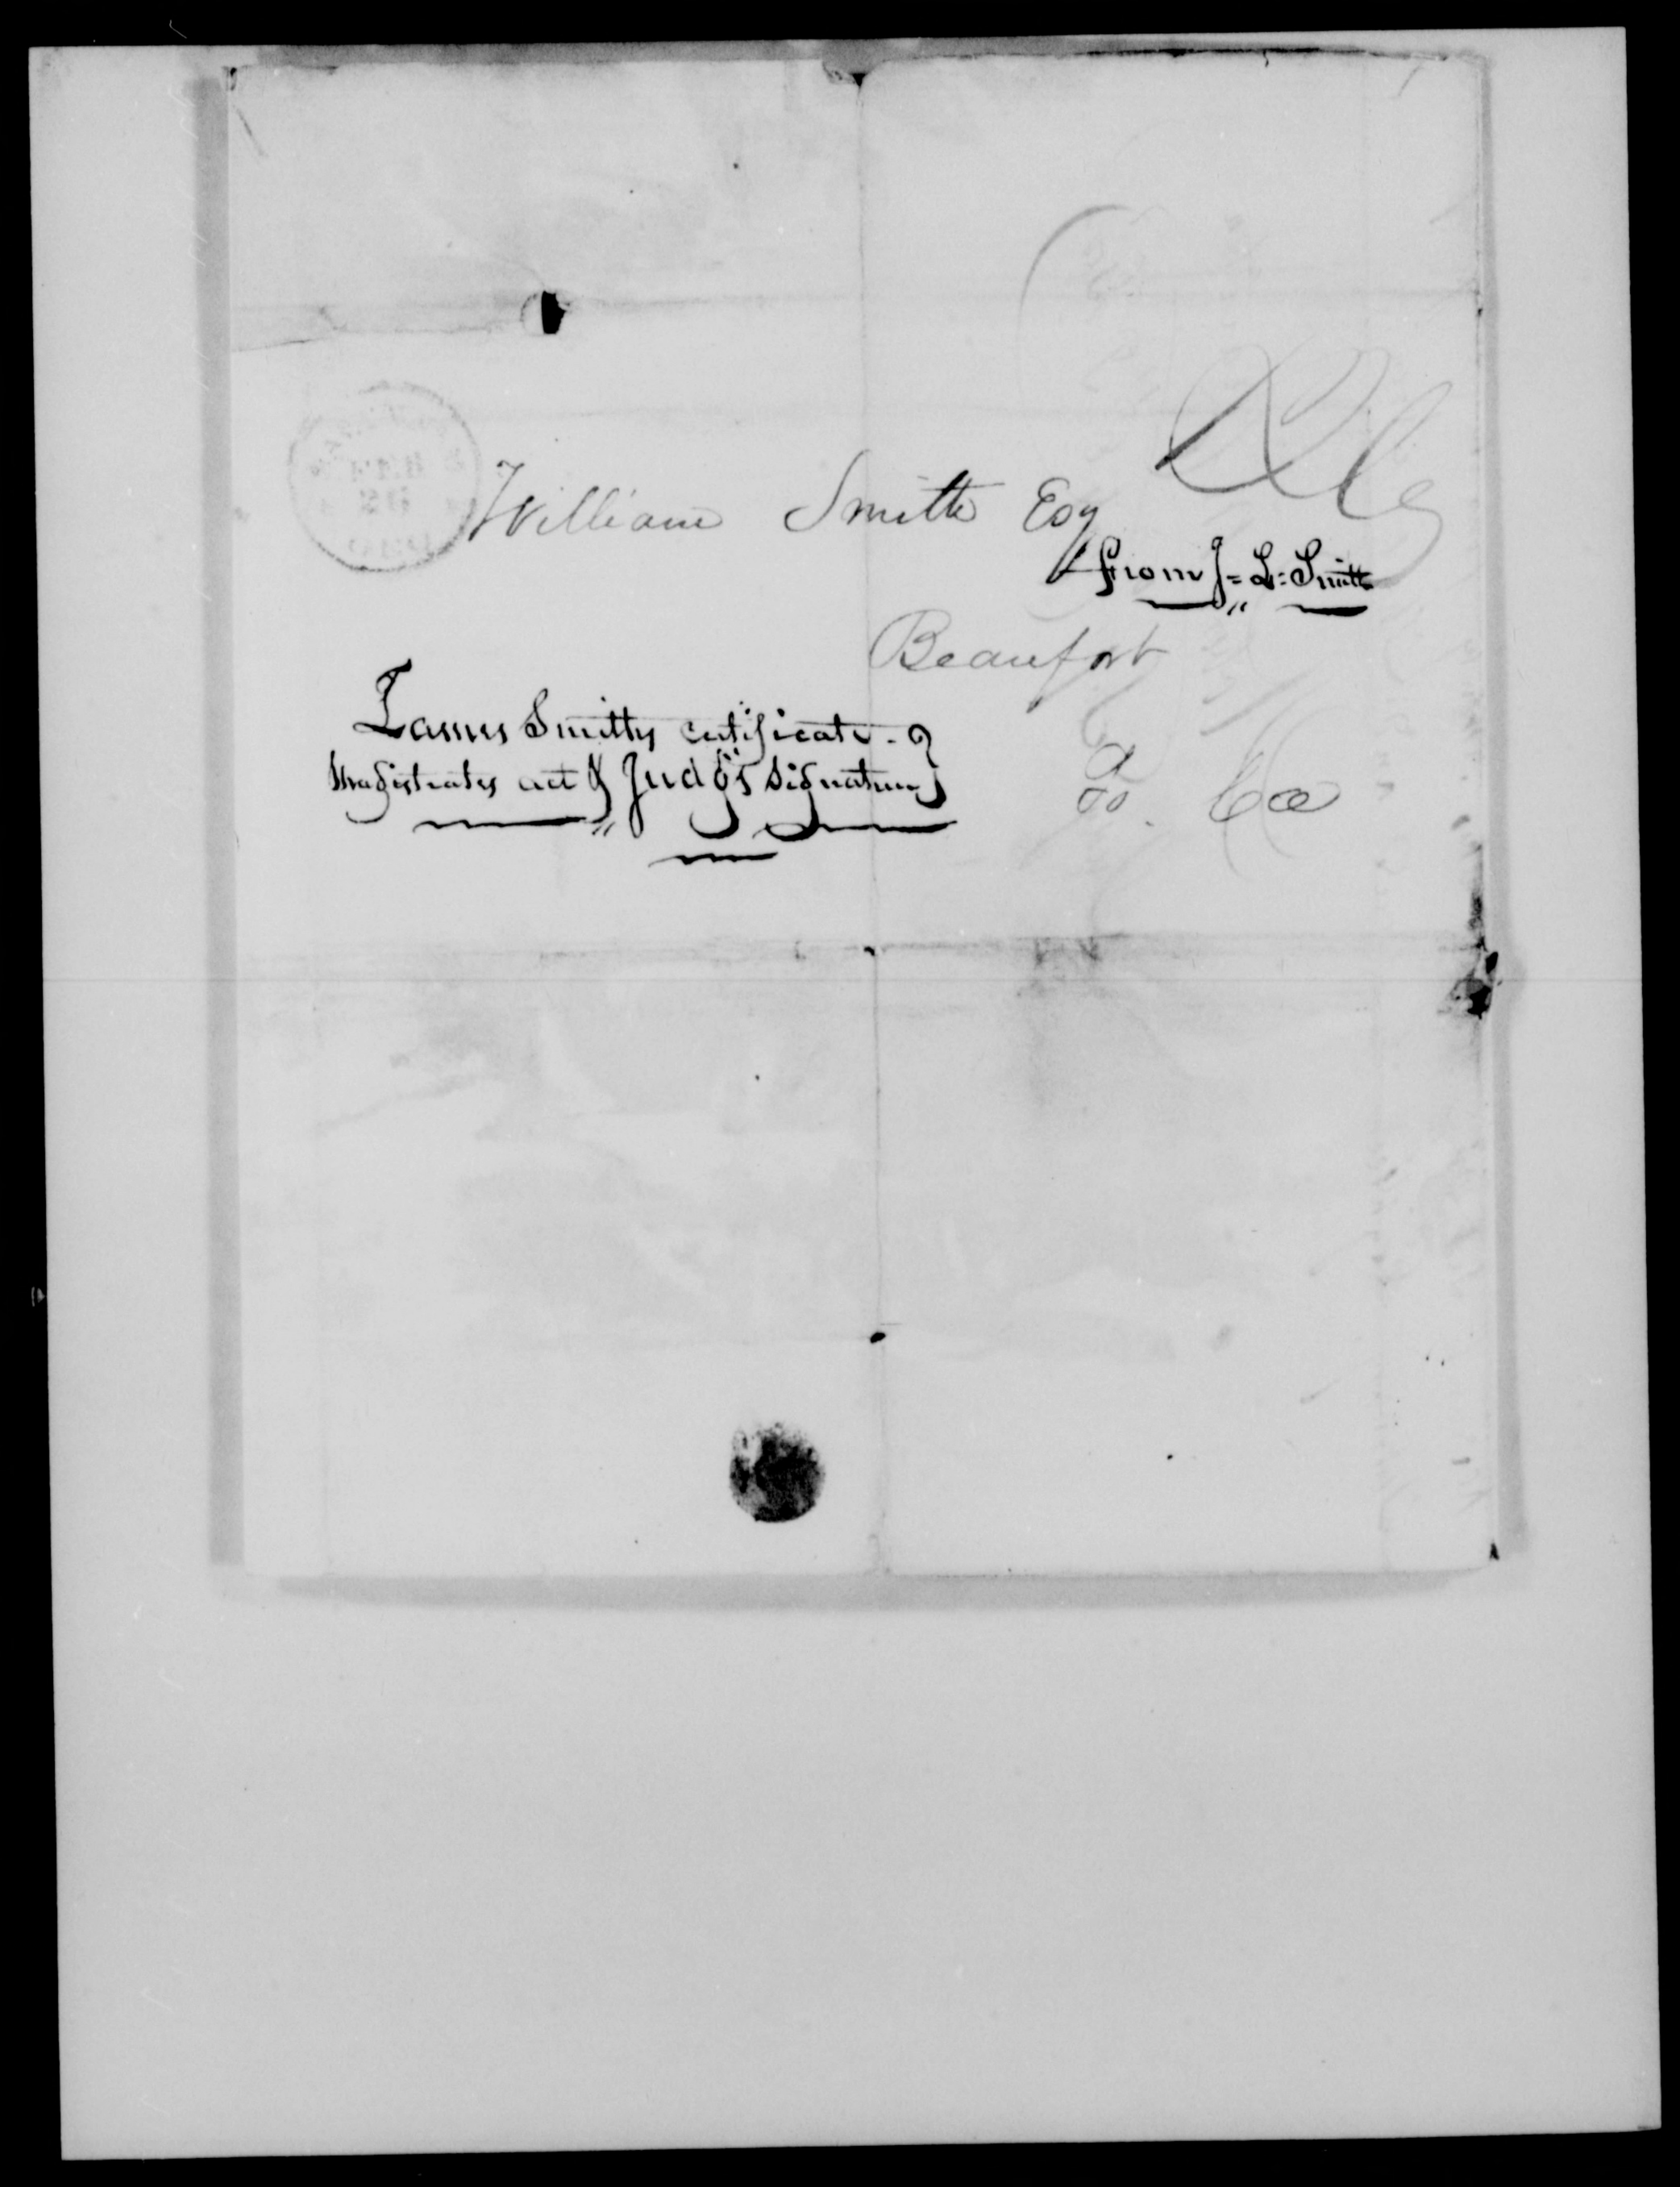[Stamp] [illegible] GEO FEB 26

William Smith Esq
Beaufort So. Ca.

from J. L. Smith

James Smith certificate
Magistrates act & Judge's Signature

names: J L Smith; James Smiths; William Smith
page: 9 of 21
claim: rejected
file: R. 9875, for William Smith, South Carolina